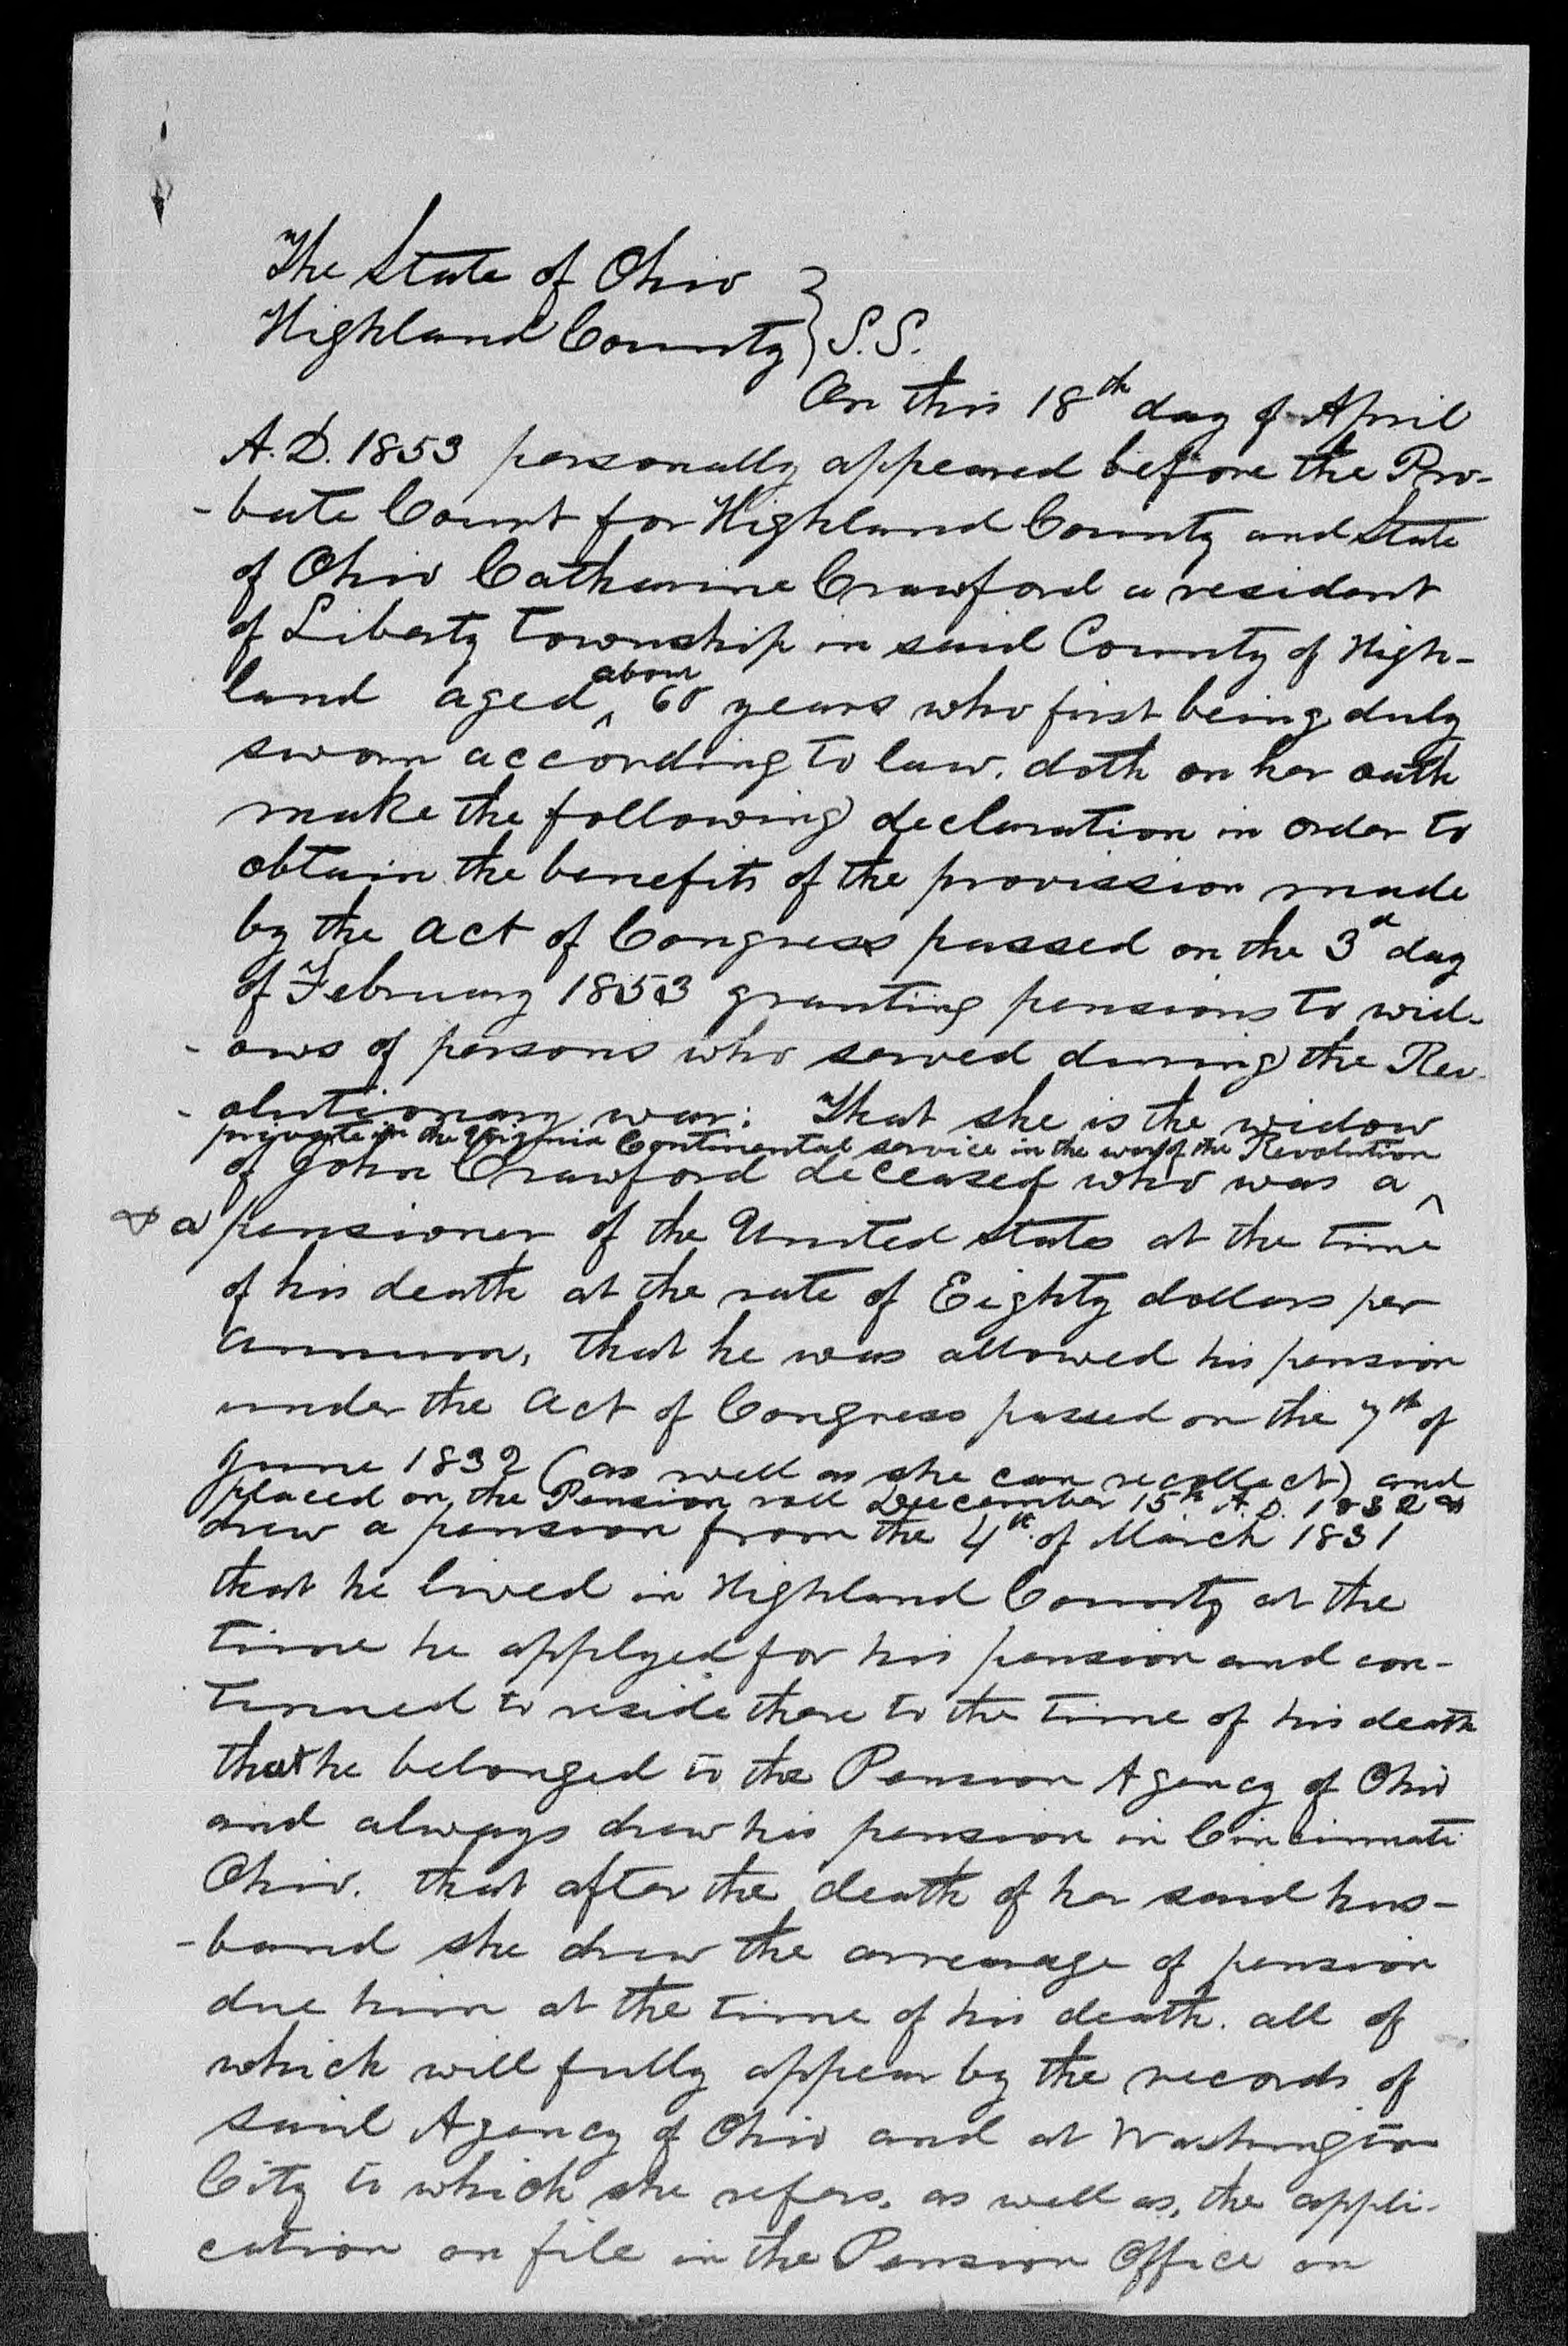The State of Ohio Highland County S.S.
On this 18th day of April A.D. 1853 personally appeared before the Probate Court for Highland County and state of Ohio Catherine Crawford a resident of Liberty township in said county of Highland aged about 80 years who first being duly sworn according to law doth on her oath make the following declaration in order to obtain the benefits of the provission made by the act of Congress passed on the 3d day of February 1853 granting pensions to widows of persons who served during the Revolutionary war. That she is the widow of John Crawford deceased who was a private in the Virginia Continental service in the war of the Revolution and a pensioner of the United States at the time of his death at the rate of eighty dollars per annum. That he was allowed his pension under the act of Congress passed on the 7th of June 1832 (as well as  she can recollect) and placed on the pension roll December 15th A.D. 1832 & drew a pension from the 4th of March 1831. That he lived in Highland County at the time he applyed for his pension and continued to reside there to the time of his death. That he belonged in the pension agency of Ohio and always drew his pension in Cincinnati Ohio. That after the death of her said husband she drew the arrearage of pension due him at the time of his death. All of which will fully appear by the records of said agency of Ohio and at Washington City in which she refers, as well as, the application on file in the Pension Office on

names: Catharine Crawford, John Crawford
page: 8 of 80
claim: widow's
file: W 2070, John Crawford, Penn.